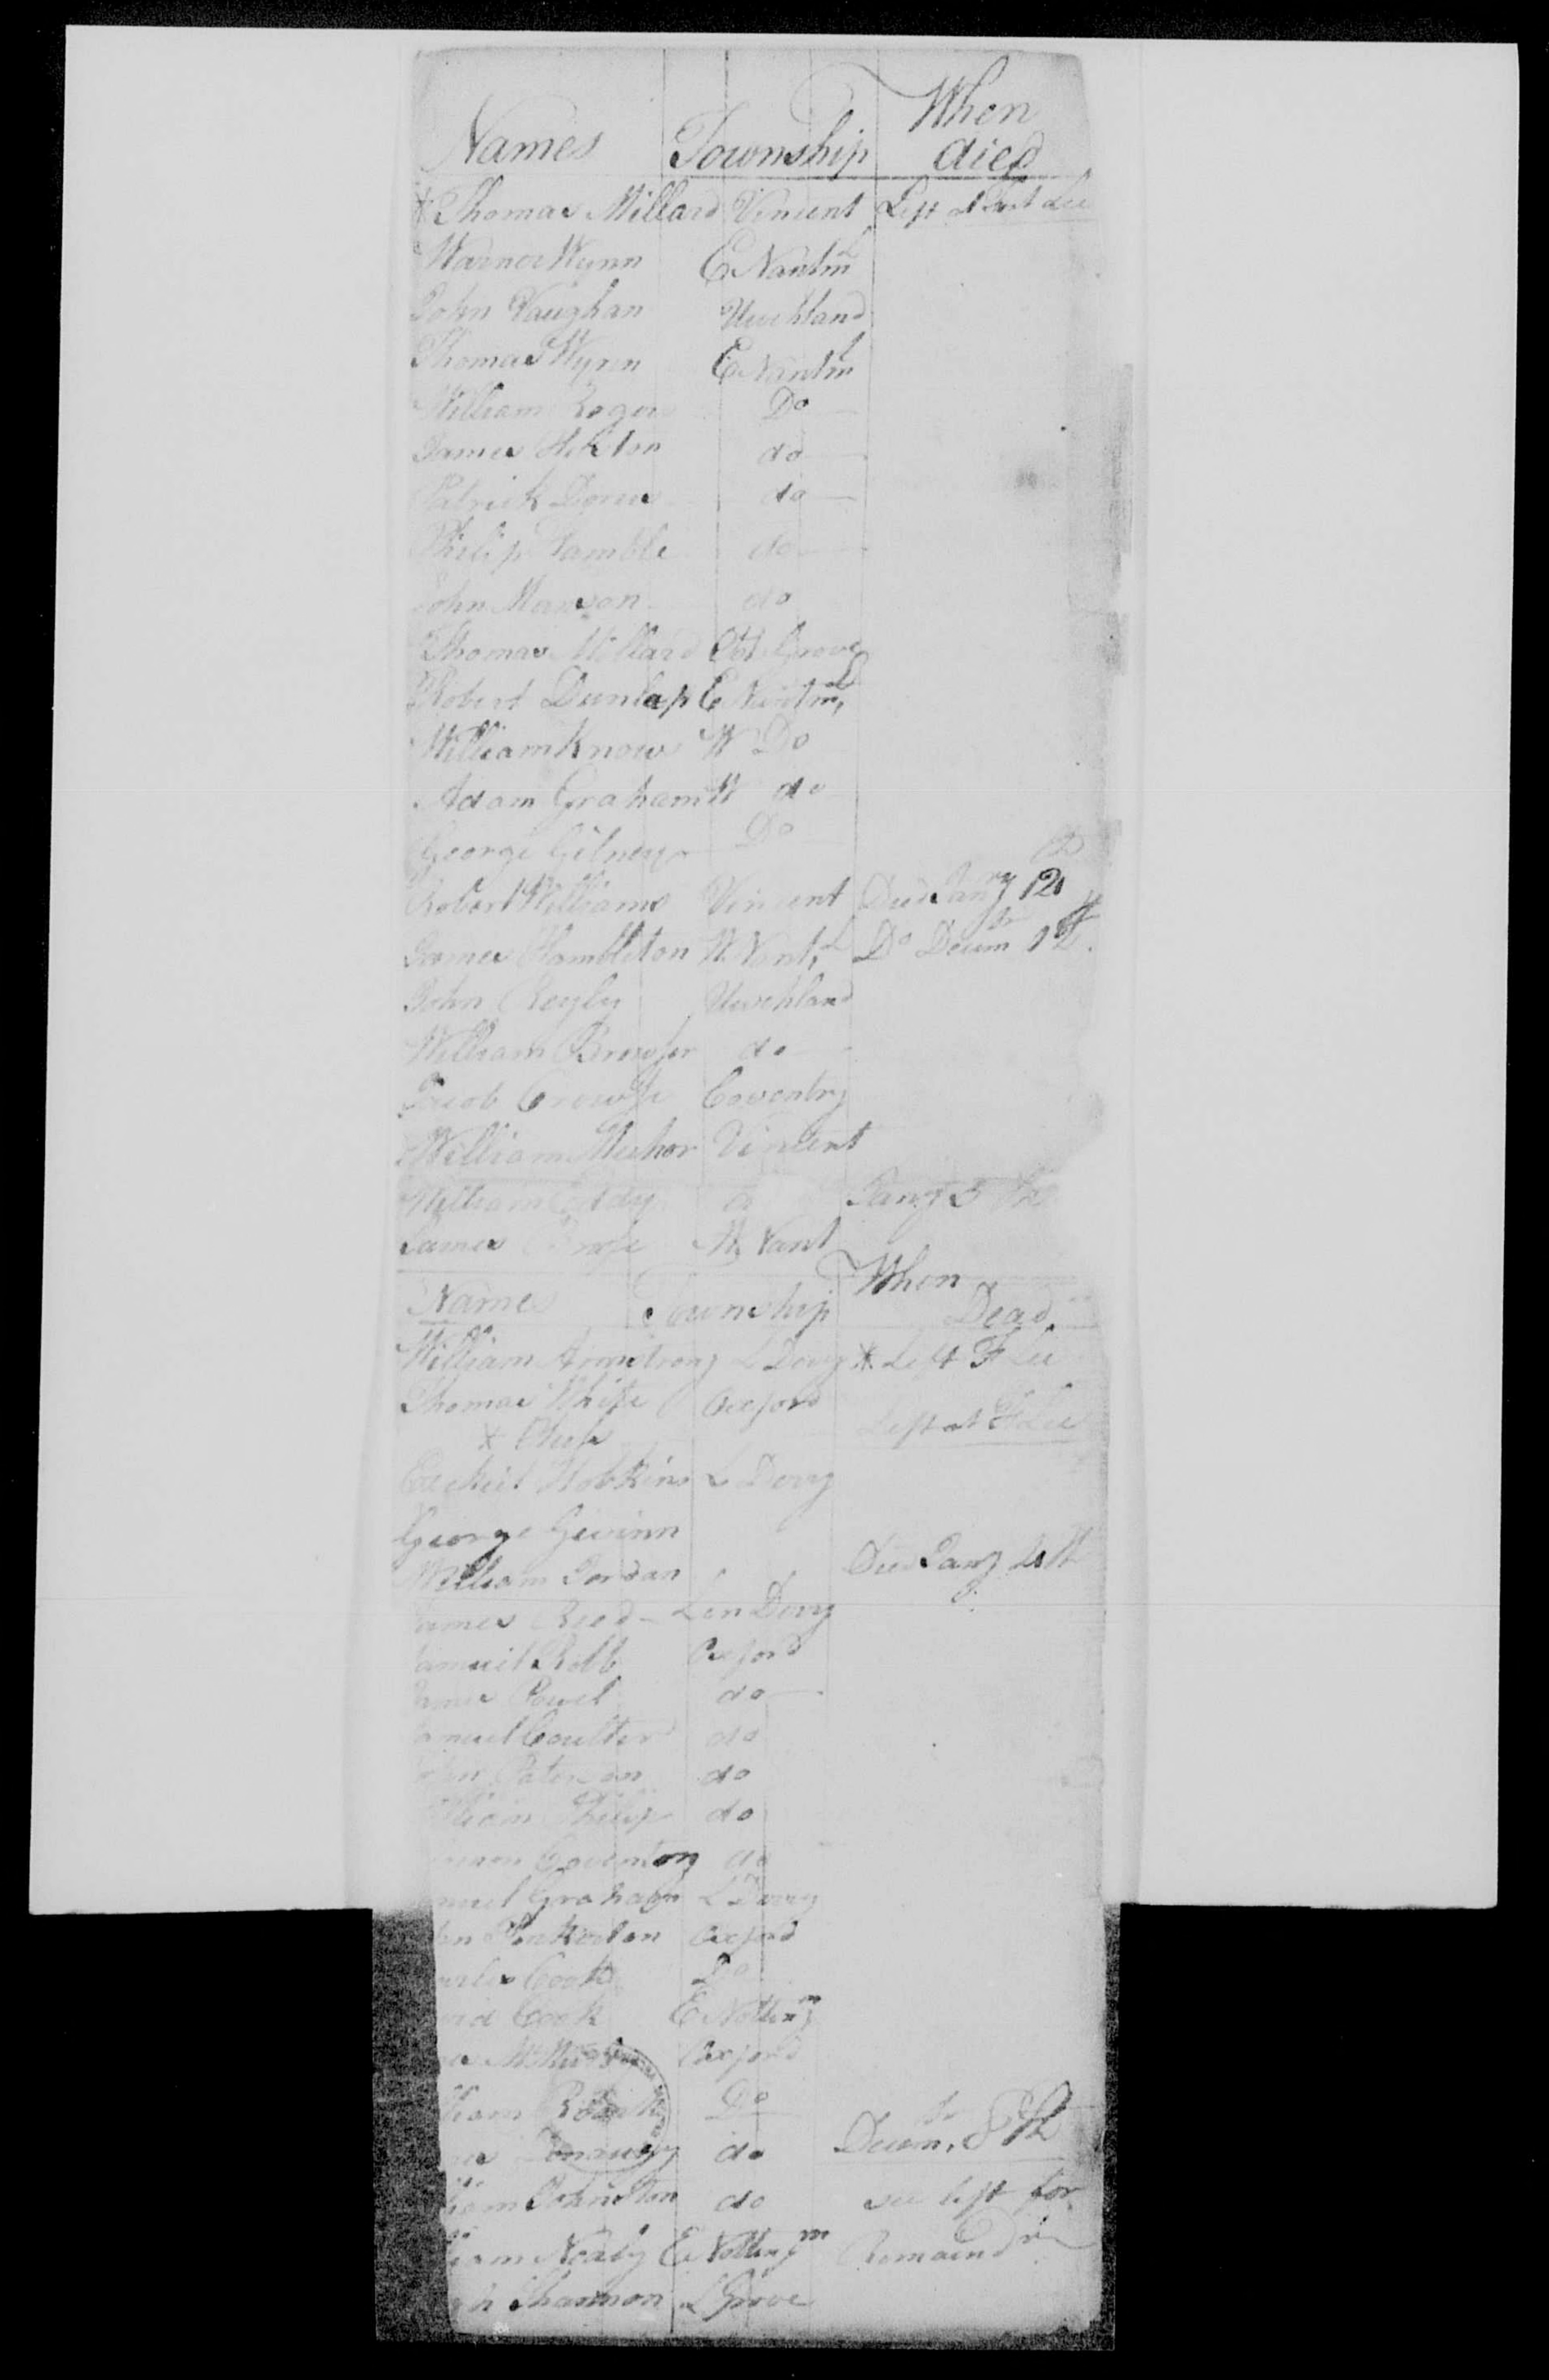[headings] Names. Township. When died

Thomas Millard | Vincent | Left at Fort Lee
Warner Wynn | E Nantun
John Vaughan | Hirchland
Thomas Wynn | E Nantunl
William Rogers | do
James Horton | do
Patrick Lorne | do
Philip Ramble | do
John Manson | do
Thomas Millard | Cbt Grove
Robert Dunlap | E Nantun
William Know | W Do
Adam Graham | W do
George Gilney | do
Robert Williams | Vincent | Died Jany 12th
James Hambleton | W Nantn | do Decembr 12th
John Reyly | Hirchland
William Browser | do
Jacob Crowse | Coventry
William Muhor | Vincent
William Eddy | do | Jany 5th
James Brase | W Vant

[headings] Names. Township. When Dead
William Armstrong | L Dery | * Left F Lee
Thomas White | Oxford
* Phisa | | Left at F Lee
Ezekiel Hobkins | L Dery
George Gwinn
William Jordan | | Died Jany 20th
James Reed | Len Dery
Samuel Robb | Oxford
James Powel | do
Samuel Coulter | do
[illegible] Peterson | do
William Philips | do
[illegible] Coventry | do
muel Graham | L Derry
--  Pinkerton | Oxford
--rles Cook | do
--rd Cook | E Notting
--a Miller | Oxford
--lliam Roark | do
--ie Donangy | do | Decembr 8th
--liam Johnston | do | see left for Remaindr
---liam Nealy | E Nottingm
--h Sharman | L Grove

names: Carrol Powel, John Harson, , , William, Michiel Hopkins, Graham, Adam Graham, William Armstrong, , Robert Taylor, , William Browser, Warner Wynn, William Roger, Cook, Thomas Hillard, William Mahor, James Beed, , Robert Dunlap, George Gwinn, George Gilman, George Hambleton, Philip Temple, Robert Williams, John Vaughan, , , Jacob Crowk, James Santon, Shannon, James Drake, Patrick Loom, William Know, William Jordan, , Thomas Millar, Cook, Thomas Wynn, Emmil Bobb, , Thomas White,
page: 57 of 57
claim: survivor's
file: S. 2161, Hezekiah Davies, Penn